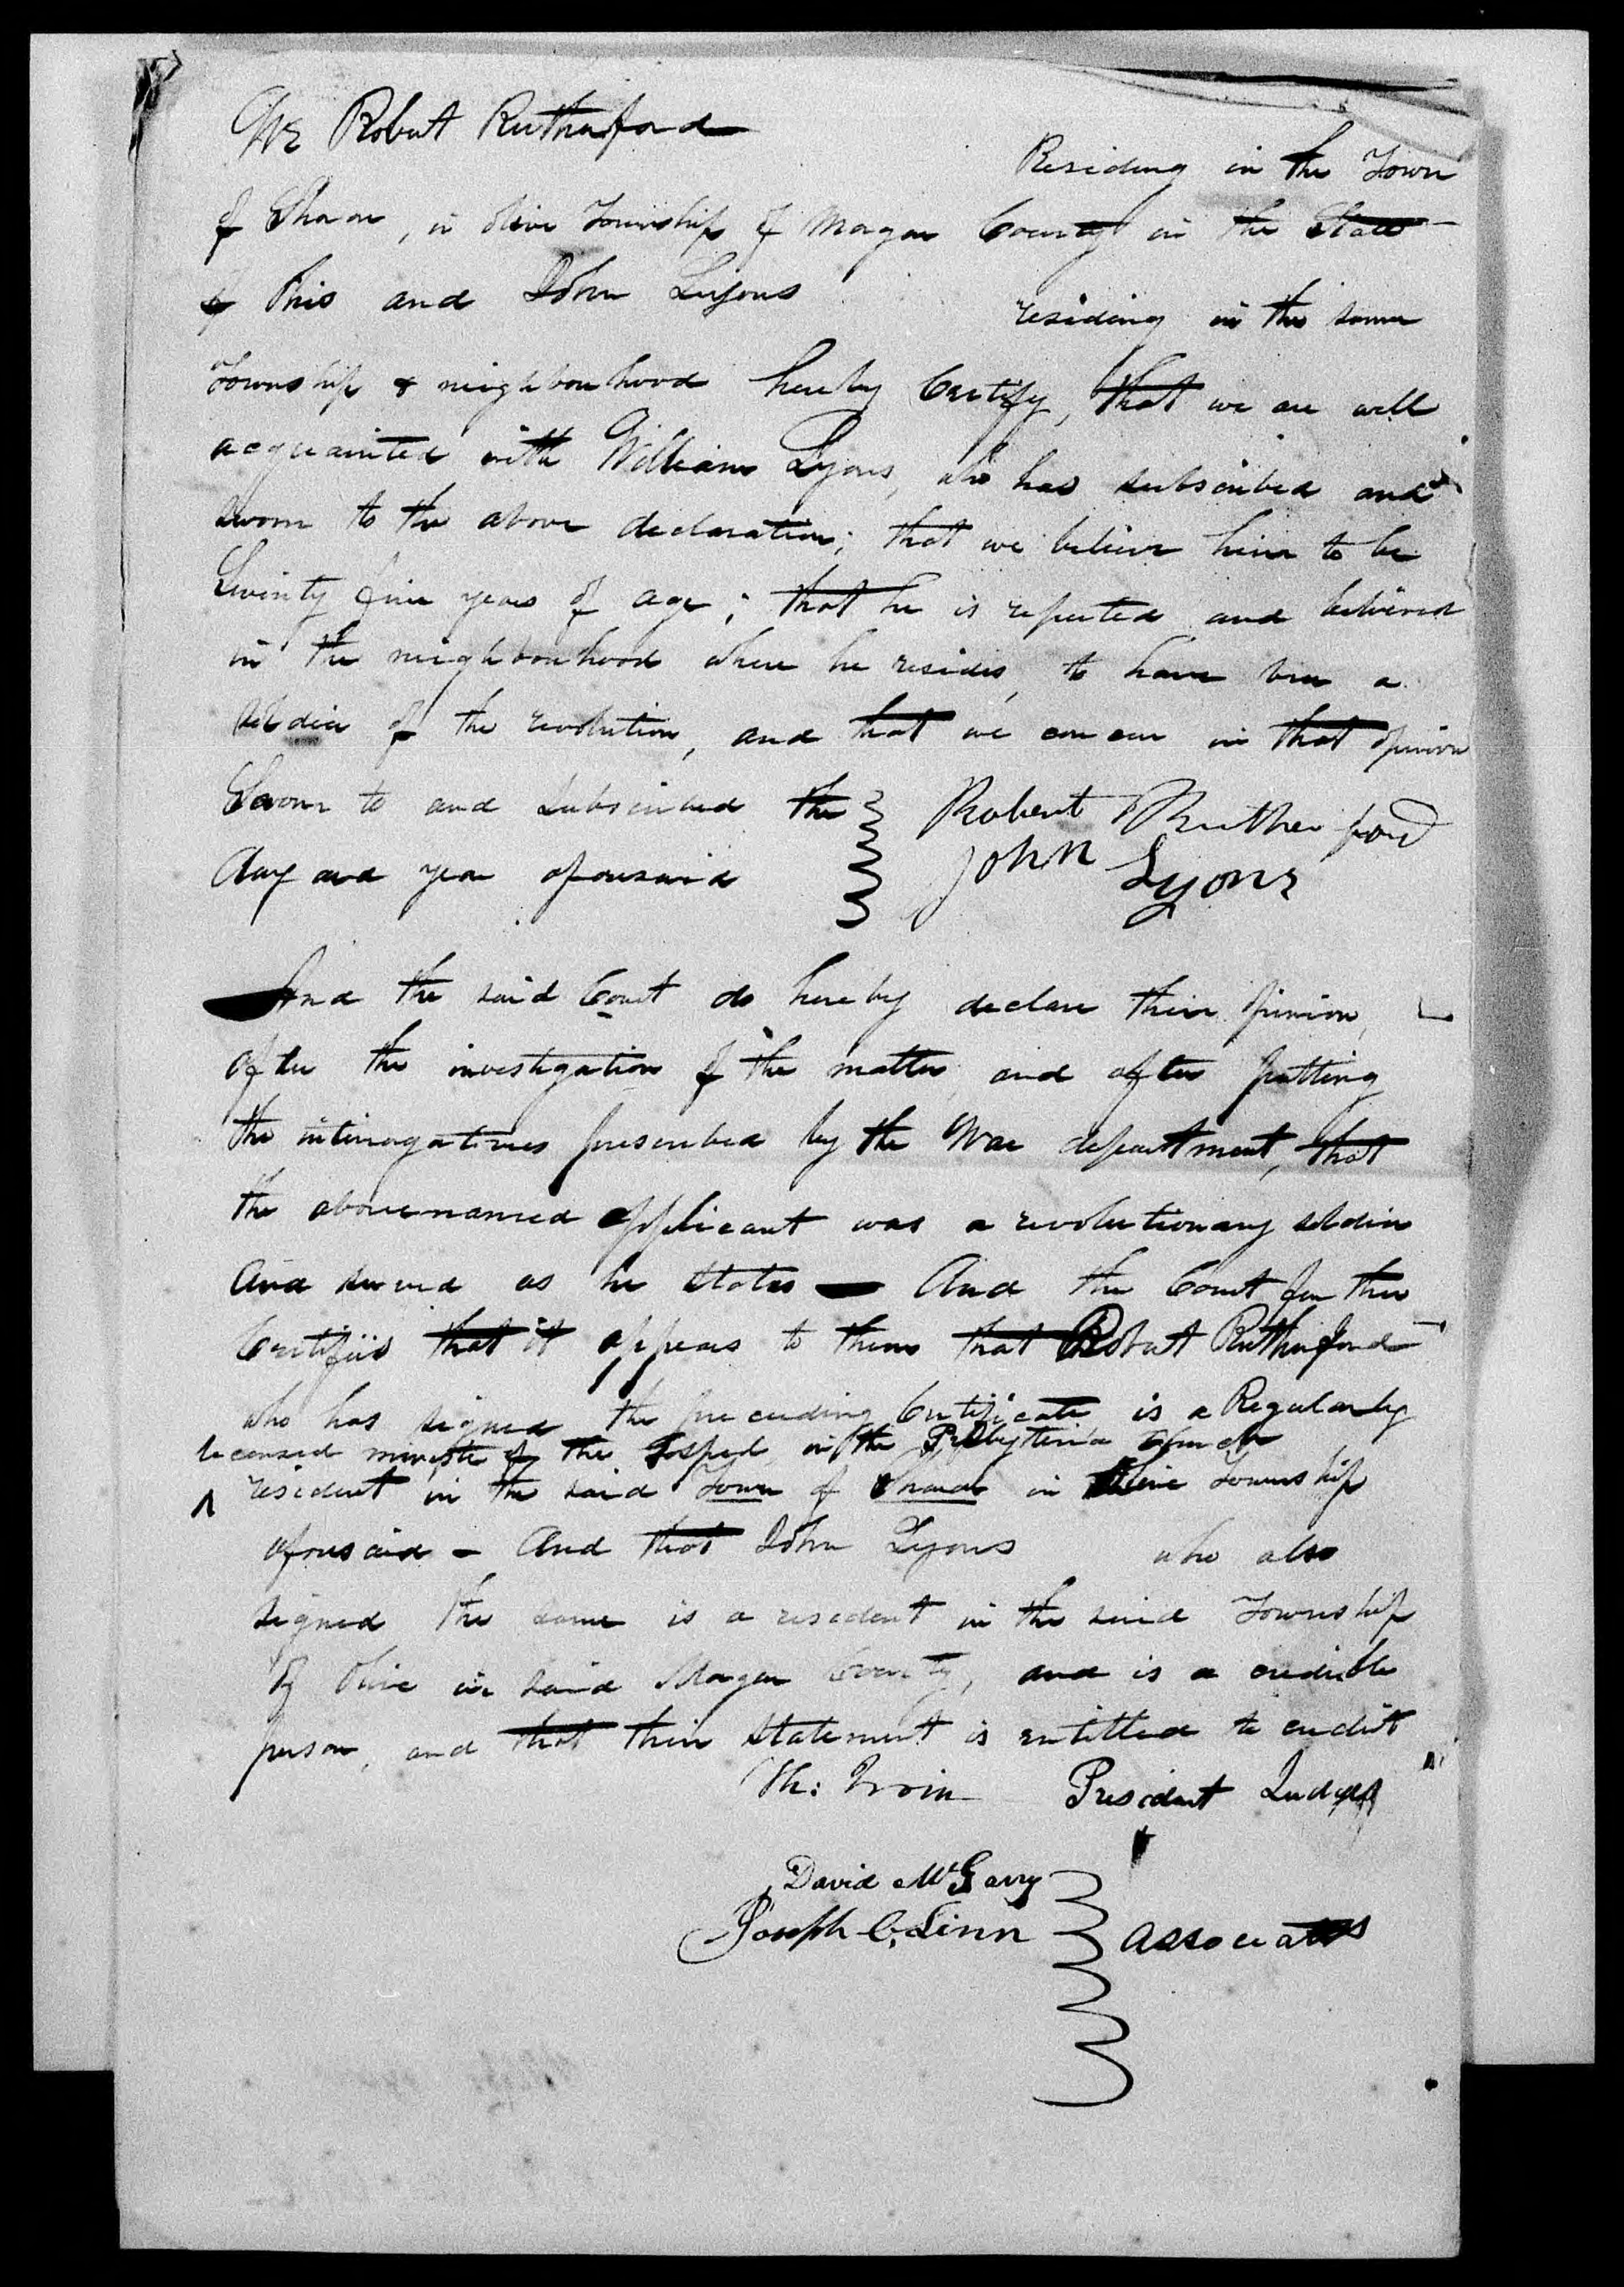We Robert Rutherford residing in the Town of Sharon in Olive Township of Morgan county in the State of Ohio and John Lyons residing in the same Township and neighborhood hereby certify that we are well acquainted with William Lyons, he has subscribed and sworn to the above declaration that we believe him to be Seventy five years of age that he is reputed and believed in the neighborhood that he resides to have been a soldier of the Revolution and that we all are in that opinion Sworn to and Subscribed the day and year aforesaid Robert Rutherford John Lyons
And the said Court do hereby declare their opinion has after the investigation of the matter and after putting the interrogations prescribed by the War department that the above named applicant was a Revolutionary soldier and served as he states and the Court further certified that it appears to them that Robert Rutherford  who has signed the proceeding Certificate is a Regular resident because minister is the (unreadable) in the Presbyterian Church in the said Town of Sharon in their Township aforesaid And that John Lyon who also signed the same is a resident in the said Township of Olive in said Morgan County and is a credible person and that their statement is written to credit 
Jhi Zoin  President Judge: David Mcgary
Joseph B. Linn Associates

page: 12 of 41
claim: survivor's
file: S. 4585, for William Lyons, Pennsylvania